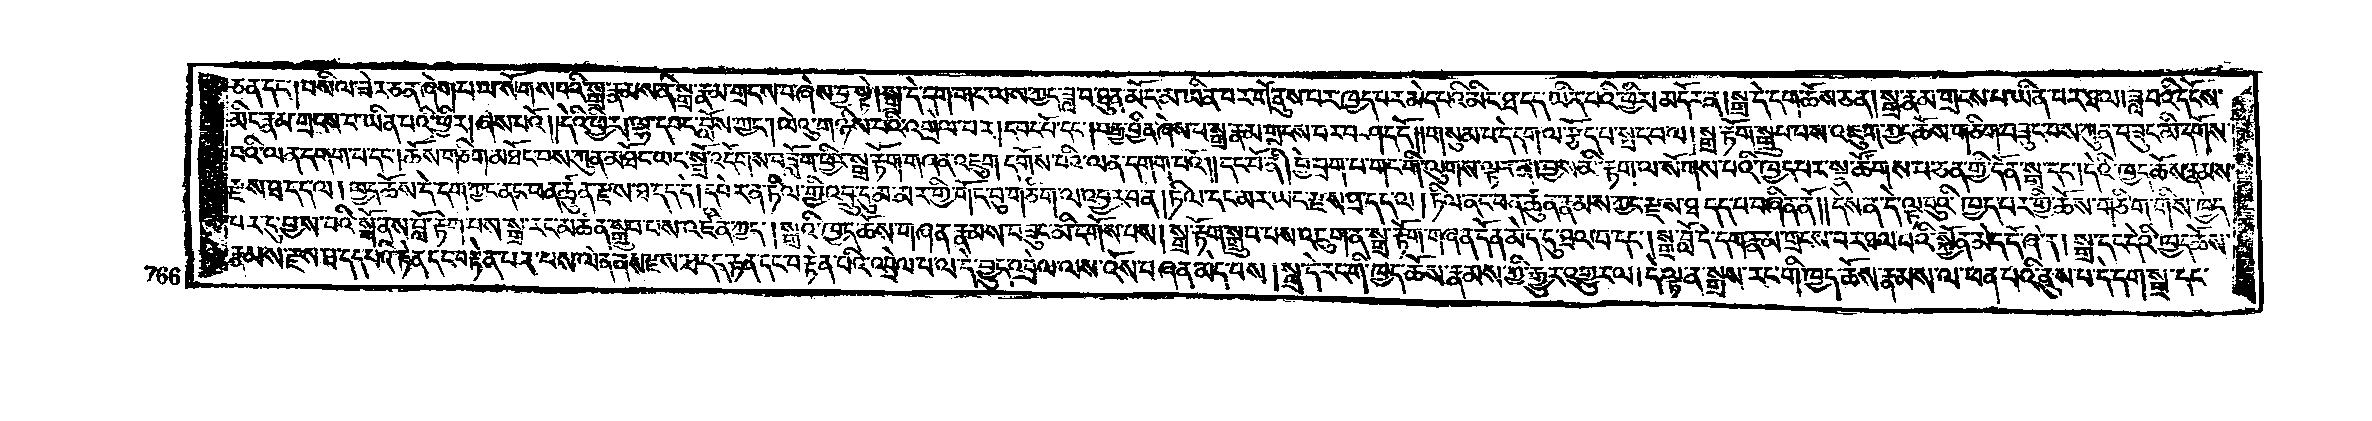ཅན་དང་། བསིལ་ཟེར་ཅན་ཞེག་པ་ལ་སོགས་པའི་སྒྲ་རྣམས་ནི་སྒྲ་རྣམ་གྲངས་པ་ཞེས་བྱ་སྟེ། སྒྲ་དེ་དག་གང་ལས་ཀྱང་ཟླ་བ་ཐུན་མོང་མ་ཡིན་པར་གོ་ནུས་པར་ཁྱད་པར་མེད་པའི་མིང་ཐ་དད་ཡིན་པའི་ཕྱིར། མདོར་ན། སྒྲ་དེ་དག་ཆོས་ཅན། སྒྲ་རྣམ་གྲངས་པ་ཡིན་པར་ཐལ། ཟླ་བའི་དངོས་
མིང་རྣམ་གྲངས་པ་ཡིན་པའི་ཕྱིར། ཞེས་པའོ། །དེའི་ཕྱིར། ལྷ་དབང་བློས་ཀྱང་། ལེའུ་གཉིས་པའི་འགྲེལ་བར། དབང་པོ་དང་། བརྒྱ་བྱིན་ཞེས་པ་སྒྲ་རྣམ་གྲངས་བར་བཤད་དོ། །གསུམ་པ་དེ་དག་ལ་རྩོད་པ་སྤང་བ་ལ། སྒྲ་རྟོག་སྒྲུབ་པས་འཇུག་ཀྱང་ཆོས་གཅིག་བཟུང་བས་ཀུན་བཟུང་མི་དགོས་
བའི་ལན་དགག་པ་དང་། ཆོས་གཅིག་མཐོང་བས་ཀུན་མཐོང་ཡང་སྒྲོ་འདོགས་བཟློགས་ཕྱིར་སྒྲ་རྟོག་གཞན་འཇུག་དགོས་པའི་ལན་དགག་པའོ། །དང་པོ་ནི། བྱེ་བྱག་པ་གང་གི་ལུགས་ལྟར་ན། བྱས་མི་རྟག་ལ་སོགས་པའི་ཁྱད་པར་སྣ་ཚོགས་པ་ཅན་གྱི་དོན་སྒྲ་དང་། དེའི་ཁྱད་ཆོས་རྣམས་
རྫས་ཐ་དད་ལ། ཁྱད་ཆོས་དེ་དག་ཀྱང་ནང་ཕན་ཚུན་རྫས་ཐ་དད་དེ། དཔེར་ན་ཏིལ་གྱི་འབྲུ་དུ་མ་མར་གྱི་གོང་བུ་གཅིག་ལ་འབྱར་བ་ན། ཏིལ་དང་མར་ཡང་རྫས་ཐ་དད་ལ། ཏིལ་ནང་ཕན་ཚུན་རྣམས་ཀྱང་རྫས་ཐ་དད་པ་བཞིན་ནོ། །དེས་ན་དེ་ལྟ་བུའི་ཁྱད་པར་གྱི་ཆོས་གཅིག་གིས་ཁྱད་
པར་དུ་བྱས་པའི་སྒོ་ནས་བློ་རྟོག་པས་སྒྲ་རང་མཚན་སྒྲུབ་པས་འཛིན་ཀྱང་། སྒྲའི་ཁྱད་ཆོས་གཞན་རྣམས་བཟུང་མི་དགོས་པས། སྒྲ་རྟོག་སྒྲུབ་པས་འཇུག་ན་སྒྲ་རྟོག་གཞན་དོན་མེད་དུ་ཐལ་བ་དང་། སྒྲ་བློ་དེ་དག་རྣམ་གྲངས་བར་ཐལ་བའི་སྐྱོན་མེད་དོ་ཞེ་ན། སྒྲ་དང་དེའི་ཁྱད་ཆོས་
རྣམས་རྫས་ཐ་དད་པའི་རྟེན་དང་བརྟེན་པར་པས་ལེན་ནས་རྫས་ཐ་དད་རྟན་དང་བརྟེན་པའི་འབྲེལ་པ་ལ་དེ་བྱུད་འབྲེལ་ལས་འོས་བཞན་མེད་པས། སྒྲ་དེ་རང་གི་ཁྱད་ཆོས་རྣམས་ཀྱི་རྒྱུར་འགྱུར་ལ། དེ་ལྟ་ན་སྒྲས་རང་གི་ཁྱད་ཆོས་རྣམས་ལ་ཕན་པའི་ནུས་པ་དེ་དག་སྒྲ་དན་